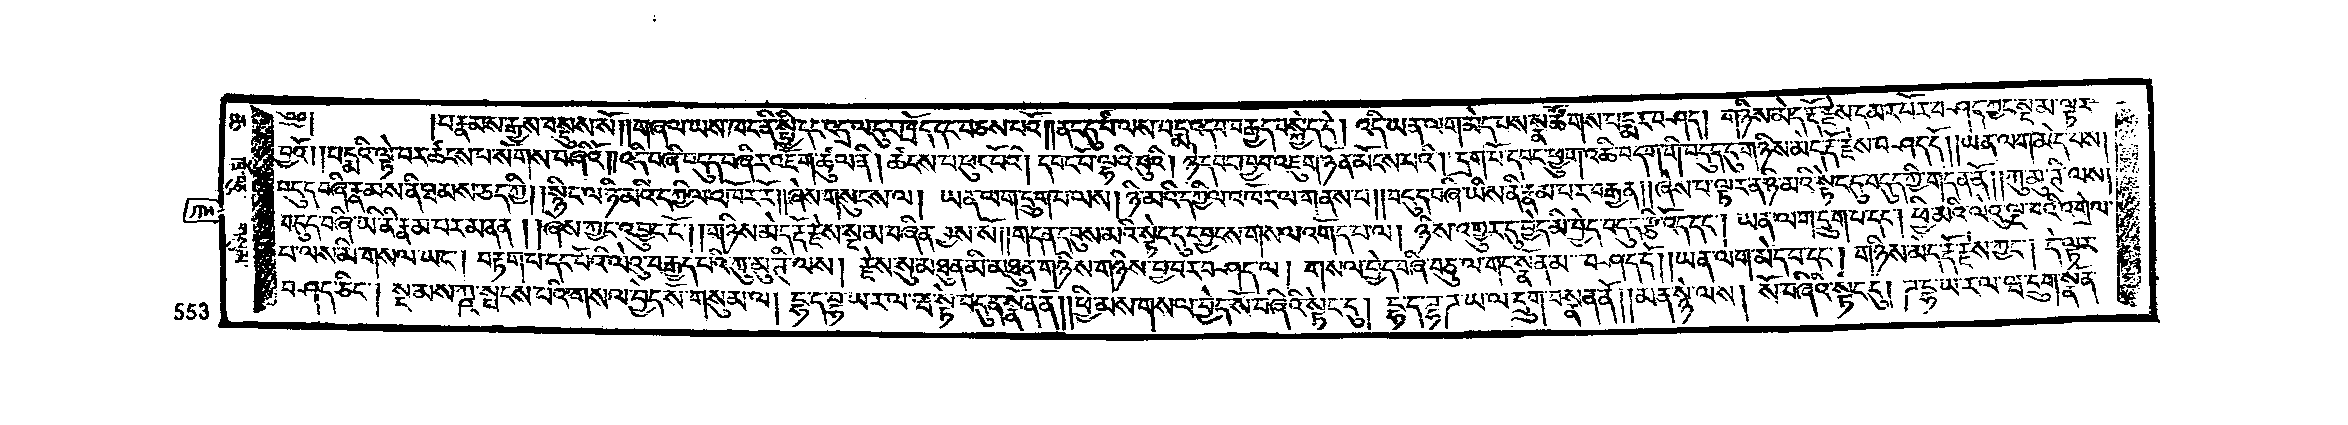༄༅། །པ་རྣམས་རྒྱས་བསྡུས་སོ། །གཞལ་ཡས་ཁང་ནི་སྤྱི་དང་འདྲ་ལ་དུར་ཁྲོད་དང་བཅས་པའོ། །ནང་དུ་པཾ་ལས་པདམ་འདབ་བརྒྱད་བསྐྱེད་དེ། འདི་ཡན་ལག་མེད་པས་སྣ་ཚོགས་པདམར་བཤད། གཉིས་མེད་རྡོ་རྗེས་དམར་པོར་བཤད་ཀྱང་སྔ་མ་ལྟར་
བྱའོ། །པདམའི་ལྟེ་བར་ཚངས་པ་སོགས་བཞིའོ། །འདི་བཞི་བདུད་བཞིར་འཇོག་ཚུལ་ནི། ཚངས་པ་ཕུང་པོའི། དབང་པོ་ལྷའི་བུའི། ཉེ་དབང་ཁྱབ་འཇུག་ཉོན་མོངས་པའི། དྲག་པོ་དབང་ཕྱུག་འཆི་བདག་གི་བདུད་དུ་གཉིས་མེད་རྡོ་རྗེས་བཤད་དོ། །ཡན་ལག་མེད་པས།
བདུད་བཞི་རྣམས་ནི་ཐམས་ཅད་ཀྱི། །སྙིང་ལ་ཉི་མའི་དཀྱིལ་འཁོར་རོ། །ཞེས་གསུངས་ལ། ཡན་ལག་དྲུག་པ་ལས། ཉི་མའི་དཀྱིལ་འཁོར་ལ་གནས་པ། །བདུད་བཞི་ཡིས་ནི་རྣམ་པར་བརྒྱན། །ཞེས་པ་ལྟར་ན་ཉི་མའི་སྟེང་དུ་བདུད་ཀྱི་གདན་ནོ། །ཀུ་མུ་ཊི་ལས།
བདུད་བཞི་ཡི་ནི་རྣམ་པར་མནན། །ཞེས་ཀྱང་འབྱུང་ངོ། །གཉིས་མེད་རྡོ་རྗེས་སྔ་མ་བཞིན་བྱས་སོ། །གདན་དབུས་མའི་སྟེང་དུ་དབྱངས་གསལ་འགོད་པ་ལ། ཉིས་འགྱུར་དུ་བྱེད་མི་བྱེད་བདུད་རྩི་འོད་དང་། ཡན་ལག་དྲུག་པ་དང་། ཕྱི་མའི་ལེའུ་ལྔ་བའི་འགྲེལ་
པ་ལས་མི་གསལ་ཡང་། བརྟག་པ་དང་པོའི་ལེའུ་བརྒྱད་པའི་ཀུ་མུ་ཊི་ལས། རྗེས་སུ་མཐུན་མི་མཐུན་གཉིས་གཉིས་བྱ་བར་བཤད་ལ། གསལ་བྱེད་བཞི་བཅུ་ལ་གང་སྣོན་མ་བཤད་དོ། །ཡན་ལག་མེད་པ་དང་། གཉིས་མེད་རྡོ་རྗེས་ཀྱང་། དེ་ལྟར་
བཤད་ཅིང་། སྔ་མས་ཀྵ་སྤངས་པའི་གསལ་བྱེད་སོ་གསུམ་ལ། དྷ་ད་བྷ་ཡ་ར་ལ་ཝ་སྟེ་བདུན་སྣོན་ནོ། །ཕྱི་མས་གསལ་བྱེད་སོ་བཞིའི་སྟེང་དུ། དྷ་ད་ཌྷ་ཌ་ཡ་ལ་དྲུག་བསྣན་ནོ། །མན་སྙེ་ལས། སོ་བཞིའི་སྟེང་དུ། ཌ་དྷ་ཡ་ར་ལ་ཝ་དྲུག་སྣོན་